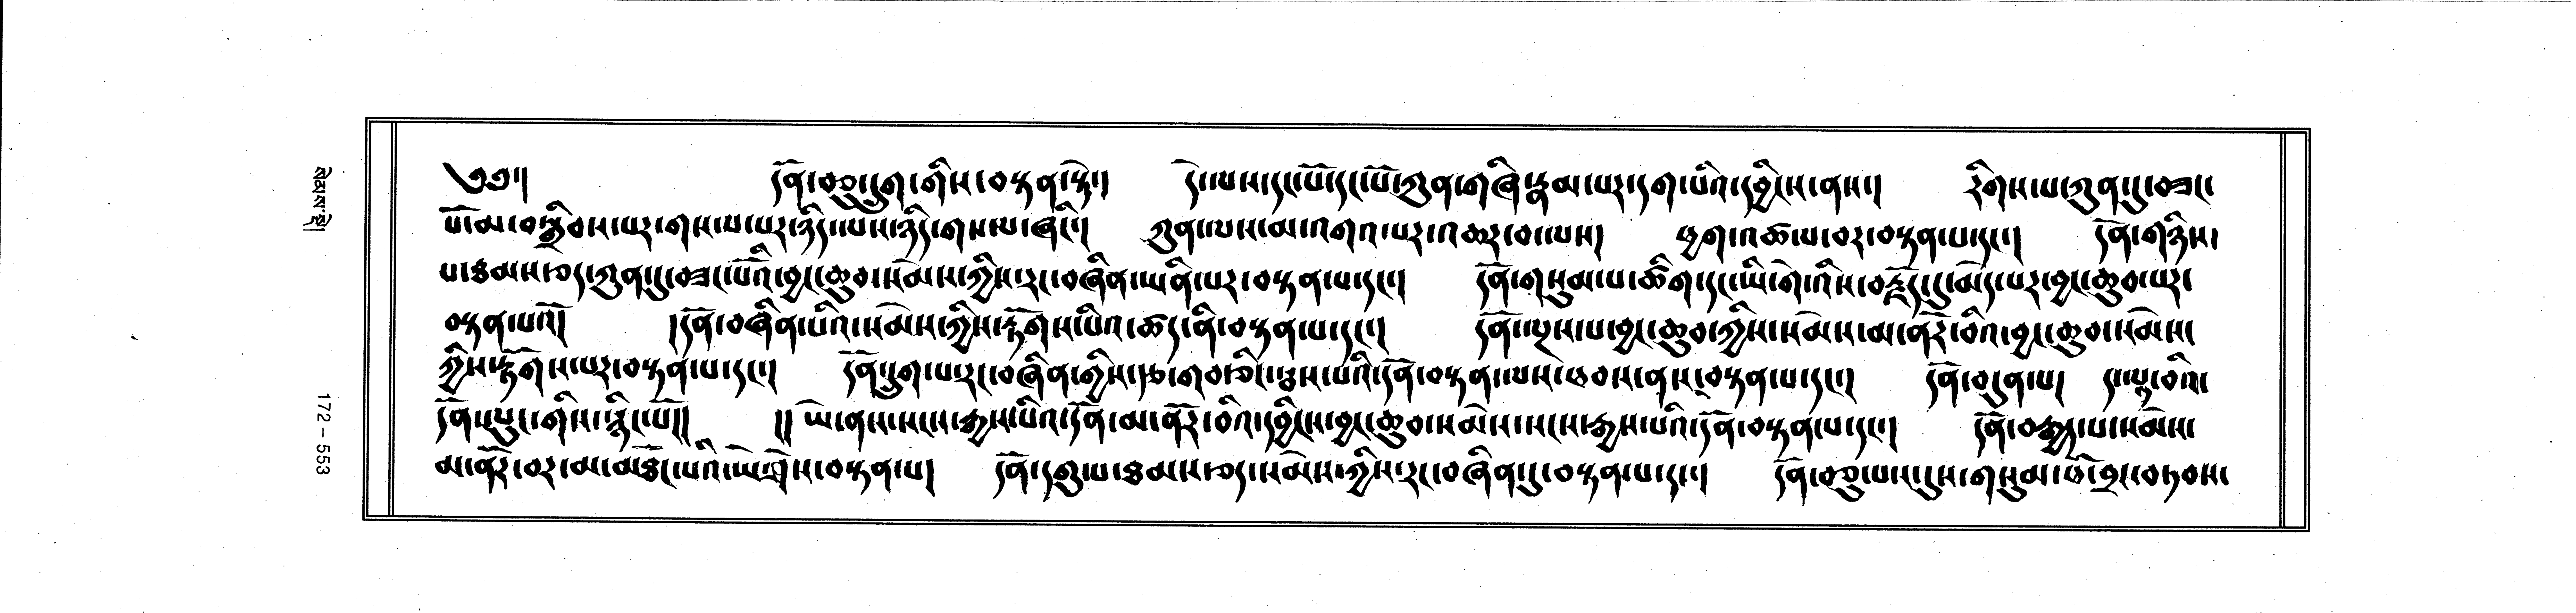དོན་བཅུ་དྲུག་གིས་བསྟན་སྟེ། དེ་ལས་དང་པོ་ཀུན་གཞི་རྣམ་པར་དག་པའི་དབྱིངས་ནས། རིག་པ་ཀུན་ཏུ་བཟང་
པོ་མ་བསྒྲིབས་པར་གསལ་པར་ཉིད་ལས་ཉིད་གསལ་ཞིང་། ཀུན་ལས་མ་འགའ་པར་འཆར་བ་ལས། ཕྱག་འཚལ་བར་བསྟན་པ་དང་། དོན་གཉིས་
པ་ཐམས་ཅད་ཀུན་ཏུ་བཟང་པོའི་བྱང་ཆུབ་སེམས་ཀྱིས་རང་བཞིན་ཡིན་པར་བསྟན་པ་དང་། དོན་གསུམ་པ་ཚིག་དང་ཡི་གེའིས་བརྗོད་དུ་མེད་པར་བྱང་ཆུབ་པར་
བསྟན་པའོ། དོན་བཞིན་པའི་སེམས་ཀྱིས་རྟོགས་པའི་ཚད་ནི་བསྟན་པ་དང་། དོན་ལྔས་པ་བྱང་ཆུབ་ཀྱིས་སེམས་མ་ནོར་བའི་བྱང་ཆུབ་སེམས་
ཀྱིས་རྟོགས་པས་བསྟན་པ་དང་། དོན་དྲུག་པ་རང་བཞིན་གྱིས་རྩ་གབ་ཅིང་སྦས་པའི་དོན་བསྟན་ལས་ཕབས་ནས་བསྟན་པ་དང་། དོན་བདུན་པ། ད་ལྟ་བའི་
དོན་ལུང་གིས་སྙིང་པོ། ཡེ་ནས་སངས་རྒྱས་པའི་དོན་མ་ནོར་བའི་དབྱིངས་བྱང་ཆུབ་སེམས་སངས་རྒྱས་པའི་དོན་བསྟན་པ་དང་། དོན་བརྒྱད་པ་སེམས་
མ་ནོར་བར་མ་མཐོང་པའི་ཡེ་ཤེས་བསྟན་པ། དོན་དགུ་པ་ཐམས་ཅད་སེམས་ཀྱིས་རང་བཞིན་དུ་བསྟན་པ་དང་། དོན་བཅུ་པས་དུས་གསུམ་ཕོ་བྲང་བཏབ་